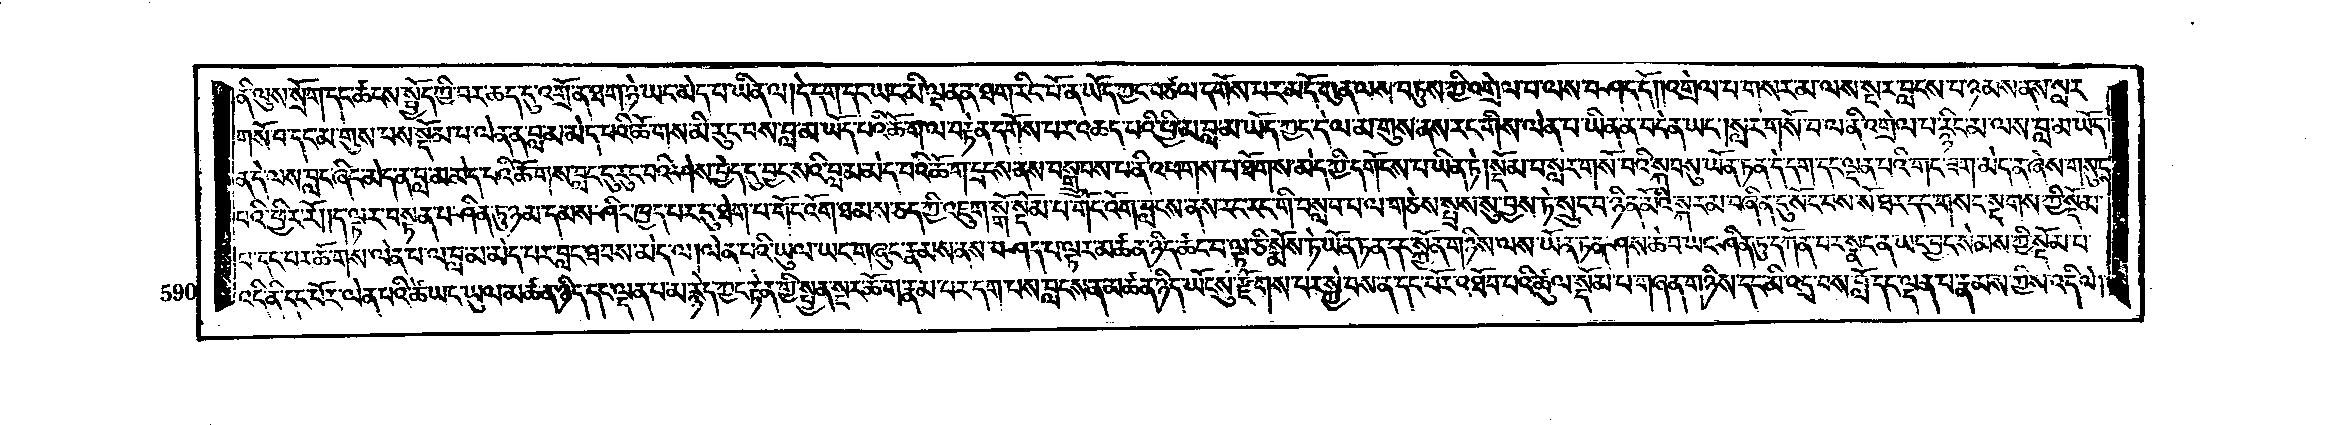ནི་ལུས་སྲོག་དང་ཚངས་སྤྱོད་ཀྱི་བར་ཆད་དུ་འགྲོ་ན་ཐག་ཉེ་ཡང་མེད་པ་ཡིན་ལ། དེ་དག་དང་ཡང་མི་ལྡན་ན་ཐག་རིང་པོ་ན་ཡོད་ཀྱང་བཙལ་དགོས་པར་མདོ་ཀུན་ལས་བཏུས་ཀྱི་འགྲེལ་པ་ལས་བཤད་དོ། །འགྲེལ་པ་གསར་མ་ལས་སྔར་བླངས་པ་ཉམས་ནས་སླར་
གསོ་བ་དང་མ་གུས་པས་སྡོམ་པ་ལེན་ན་བླ་མ་མེད་པའི་ཆོ་གས་མི་རུང་བས་བླ་མ་ཡོད་པའི་ཆོ་ག་ལ་བརྟེན་དགོས་པར་འཆད་པའི་ཕྱི་མ་བླ་མ་ཡོད་ཀྱང་དེ་ལ་མ་གུས་ནས་རང་གིས་ལེན་པ་ཡིན་ན་བདེན་ཡང་། སླར་གསོ་བ་ལ་ནི་འགྲེལ་པ་རྙིང་མ་ལས་བླ་མ་ཡོད་
ན་དེ་ལས་བླང་ཞིང་མེད་ན་བླ་མ་མེད་པའི་ཆོ་གས་བླང་དུ་རུང་བའི་ཤེས་བྱེད་དུ་བྱང་སའི་བླ་མ་མེད་པའི་ཆོ་ག་དྲངས་ནས་བསྒྲུབས་པ་ནི་འཕགས་པ་ཐོགས་མེད་ཀྱི་དགོངས་པ་ཡིན་ཏེ། སྡོམ་པ་སླར་གསོ་བའི་སྐབས་སུ་ཡོན་ཏན་དེ་དག་དང་ལྡན་པའི་གང་ཟག་མེད་ན་ཞེས་གསུངས་
པའི་ཕྱིར་རོ། །ད་ལྟར་བསྟན་པ་ཤིན་ཏུ་ཉམ་དམས་ཤིང་ཁྱད་པར་དུ་ཐེག་པ་གོང་འོག་ཐམས་ཅད་ཀྱི་འཇུག་སྒོ་སྡོམ་པ་གོང་འོག་བླངས་ནས་རང་རང་གི་བསླབ་པ་ལ་གཅེས་སྤྲས་སུ་བྱས་ཏེ་སྲུང་བ་ཉིན་མོའི་སྐར་མ་བཞིན་དུ་སོང་བས་སོ་ཐར་དང་གསང་སྔགས་ཀྱི་སྡོམ་
པ་དང་པར་ཆོ་གས་ལེན་པ་ལ་བླ་མ་མེད་པར་བླང་ཐབས་མེད་ལ། ལེན་པའི་ཡུལ་ཡང་གཞུང་རྣམས་ནས་བཤད་པ་ལྟར་མཚན་ཉིད་ཚང་བ་ལྟ་ཅི་སྨོས་ཏེ་ཡོན་ཏན་དང་སྐྱོན་གཉིས་ལས་ཡོན་ཏན་ཤས་ཆེ་བ་ཡང་ཤིན་ཏུ་དཀོན་པར་སྣང་ན་ཡང་བྱང་སེམས་ཀྱི་སྡོམ་པ་
འདི་ནི་དང་པོར་ལེན་པའི་ཚེ་ཡང་ཡུལ་མཚན་ཉིད་དང་ལྡན་པ་མ་རྙེད་ཀྱང་རྟེན་གྱི་སྤྱན་སྔར་ཆོ་ག་རྣམ་པར་དག་པས་བླངས་ན་མཚན་ཉིད་ཡོངས་སུ་རྫོགས་པར་སྐྱེ་བས་ན་དང་པོར་འཐོབ་པའི་ཚུལ་སྡོམ་པ་གཞན་གཉིས་དང་མི་འདྲ་བས་བློ་དང་ལྡན་པ་རྣམས་ཀྱིས་འདི་ལེ།